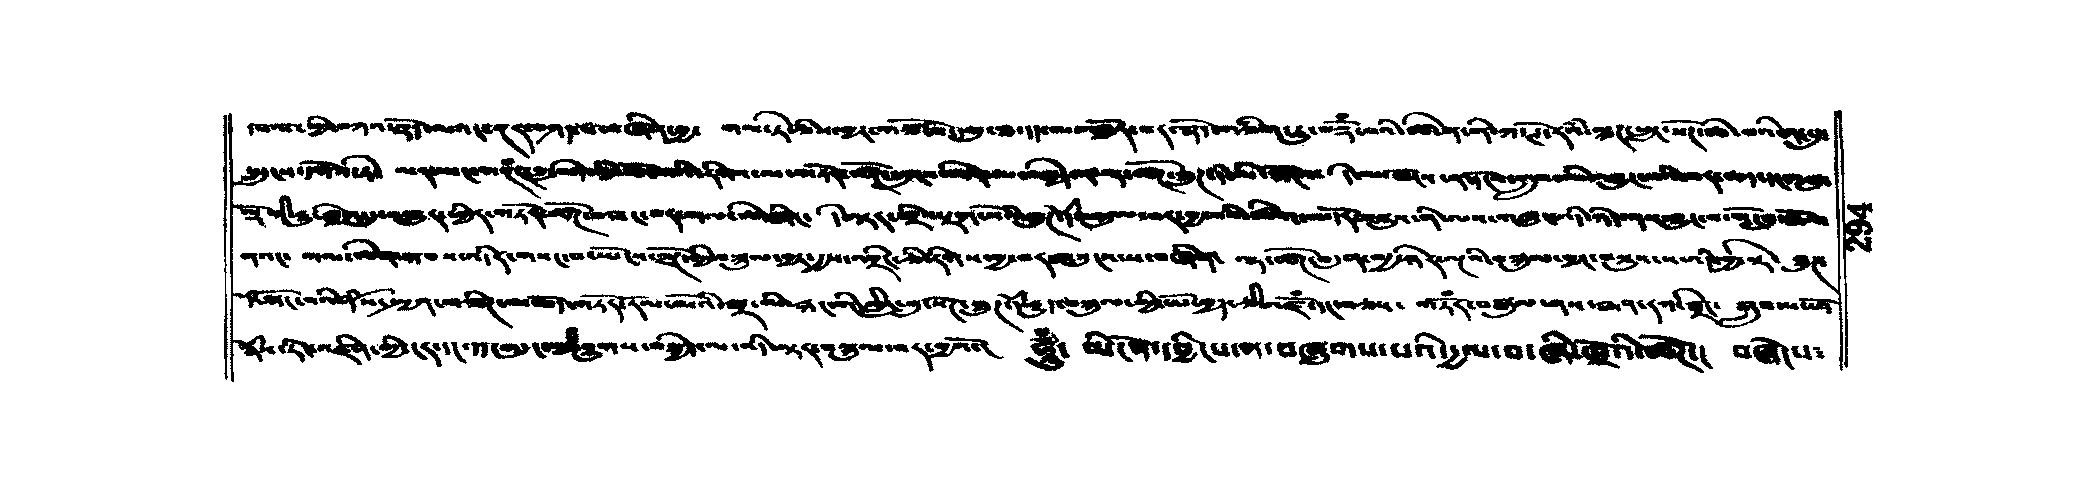དཔལ་གྱི་བཀའ་སྡོད་ལའང་སྔར་བཤད་པ་བཞིན་བྱ། གལ་ཏེ་ཅིས་ཀྱང་གཙོ་བོ་དགུ་ཐ་དད་མ་འབྱོར་བར་སྣོད་གཅིག་ཏུ་བསྡོམ་པའི་ཚེ་ན་ནི་ཀ་ཊོ་རའམ་ལྕགས་སླང་སོགས་ཆེ་བའི་ནང་དུ་
སྤུངས་དགོས་ཏེ། ལར་ཡང་གསང་སྔགས་བླ་མེད་ཀྱི་ཆོ་གའི་རིགས་ལ་གཏོར་ཚོགས་སྤུངས་པ་བཞིན་མ་བསྐྱེད་ན་ལྷ་ཚོགས་ཐུགས་དམ་མི་སྐོངས། དེ་མ་ཁོངས་ན་དངོས་གྲུབ་མི་འབྱུང་པའི་བར་ཆད་དང་འཁུ་
ལྡོག་གི་རྒྱུ་རྐྱེན་དུ་འགྱུར་ཕྱིར་གཏོར་ཚོགས་བཟང་བར་གལ་ཆེ་ཞིང་། དེ་ལྟར་ཕྲིན་ལས་དྲག་པོའི་ཐུགས་དམ་བསྐུལ་བར་བྱ་བའི་ཚིག་མདོར་བསྡུས་ནི་ལས་གཞུང་འདི་ཉིད་ནས་བྱུང་ན་གོང་དུ་སྨོས་
ནའང་། གལ་ཆེན་སྐབས་འདིར་གསང་བ་ཡོངས་རྫོགས་ཀྱི་བསྐུལ་བྱར་རྒྱས་འབྲིང་ཅི་རིགས་བྱ་བར་གསུངས་པ་བཞིན།ལྷ་ཚོགས་བདུན་བརྒྱ་ཉེར་ལྔའི་བསྐུལ་བྱང་བསྡུས་པ་འདི་བྱ་སྟེ། ཐུགས་
དམ་སྐོང་བའི་དམ་རྫས་སྤྱན་གཟིགས་མཆོད་གཏོར་རོལ་མོའི་སྒྲ་མི་རྐང་གི་གླིང་བུ་སོགས་ཐུགས་དམ་རྒྱུད་བསྐུལ་གྱི་ཡོ་བྱད་ཅི་འཛོམ་དང་བཅས་གཏོར་མ་བསྐུལ་ནས་སྨན་རག་སྦྲེང་། སྒྲུབ་པ་པོ་
རྣམས་ཏིང་འཛིན་གྱི་ངར་དང་དད་གདུང་གི་ཤུགས་བསྐྱེད་ལ་འདི་ལྟར་བསྐུལ་བར་བྱའོ། ཧཱུྃ། མི་མངོན་དབྱིངསན་བཞུགས་པའི་རྒྱལ་བ་ཞི་ཁྲོའི་ཚོགས། །བཞེངས་